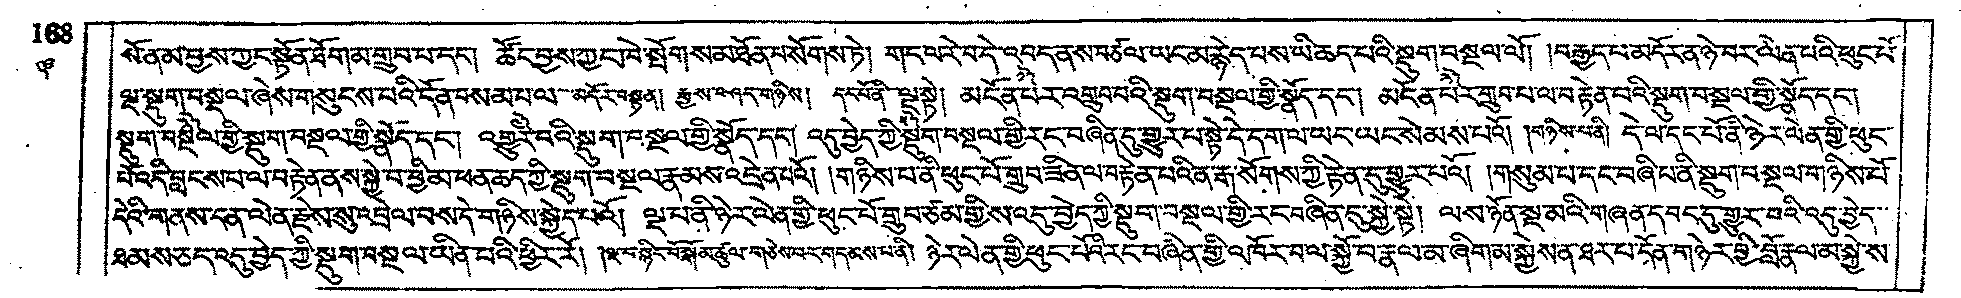སོ་ནམ་བྱས་ཀྱང་སྟོན་ཐོག་མ་གྲུབ་པ་དང་། ཚོང་བྱས་ཀྱང་ཁེ་སྤོགས་མ་ཐོན་པ་སོགས་ཏེ། གང་ལ་རེ་བ་དེ་འབད་ནས་བཙལ་ཡང་མ་རྙེད་པས་ཡི་ཆད་པའི་སྡུག་བསྔལ་ལོ། །བརྒྱད་པ་མདོར་ན་ཉེ་བར་ལེན་པའི་ཕུང་པོ་
ལྔ་སྡུག་བསྔལ་ཞེས་གསུངས་པའི་དོན་བསམ་པ་ལམདོར་བསྟན། རྒྱས་བཤད་གཉིས། དང་པོ་ནིལྔ་སྟེ། མངོན་པར་འགྲུབ་པའི་སྡུག་བསྔལ་གྱི་སྣོད་དང་། མངོན་པར་གྲུབ་པ་ལ་བརྟེན་པའི་སྡུག་བསྔལ་གྱི་སྣོད་དང་།
སྡུག་བསྔལ་གྱི་སྡུག་བསྔལ་གྱི་སྣོད་དང་། འགྱུར་བའི་སྡུག་བསྔལ་གྱི་སྣོད་དང་། འདུ་བྱེད་ཀྱི་སྡུག་བསྔལ་གྱི་རང་བཞིན་དུ་གྱུར་པ་སྟེ་དེ་དག་ལ་ཡང་ཡང་སེམས་པའོ། །གཉིས་པ་ནི།  དེ་ལ་དང་པོ་ནི་ཉེར་ལེན་གྱི་ཕུང་
པོ་འདི་བླངས་པ་ལ་བརྟེན་ནས་སྐྱེ་བ་ཕྱི་མ་ཕན་ཆད་ཀྱི་སྡུག་བསྔལ་རྣམས་འདྲེན་པའོ། །གཉིས་པ་ནི་ཕུང་པོ་གྲུབ་ཟིན་ལ་བརྟེན་པའི་ན་རྒ་སོགས་ཀྱི་རྟེན་དུ་གྱུར་པའོ། །གསུམ་པ་དང་བཞི་པ་ནི་སྡུག་བསྔལ་གཉིས་པོ་
དེའི་གནས་ངན་ལེན་རྗེས་སུ་འབྲེལ་བས་དེ་གཉིས་སྐྱེད་པའོ། ལྔ་པ་ནི་ཉེར་ལེན་གྱི་ཕུང་པོ་གྲུབ་ཙམ་གྱིས་འདུ་བྱེད་ཀྱི་སྡུག་བསྔལ་གྱི་རང་བཞིན་དུ་སྐྱེ་སྟེ། ལས་ཉོན་སྔ་མའི་གཞན་དབང་དུ་གྱུར་བའི་འདུ་བྱེད་
ཐམས་ཅད་འདུ་བྱེད་ཀྱི་སྡུག་བསྔལ་ཡིན་པའི་ཕྱིར་རོ། །ལྔ་པ་སྙིང་པོ་སྒོམ་ཚུལ་གཅེས་པར་གདམས་པ་ནི།  ཉེར་ལེན་གྱི་ཕུང་པོའི་རང་བཞིན་གྱི་འཁོར་བ་ལ་སྐྱོ་བ་རྣལ་མ་ཞིག་མ་སྐྱེས་ན་ཐར་པ་དོན་གཉེར་གྱི་བློ་རྣལ་མ་སྐྱེ་ས་